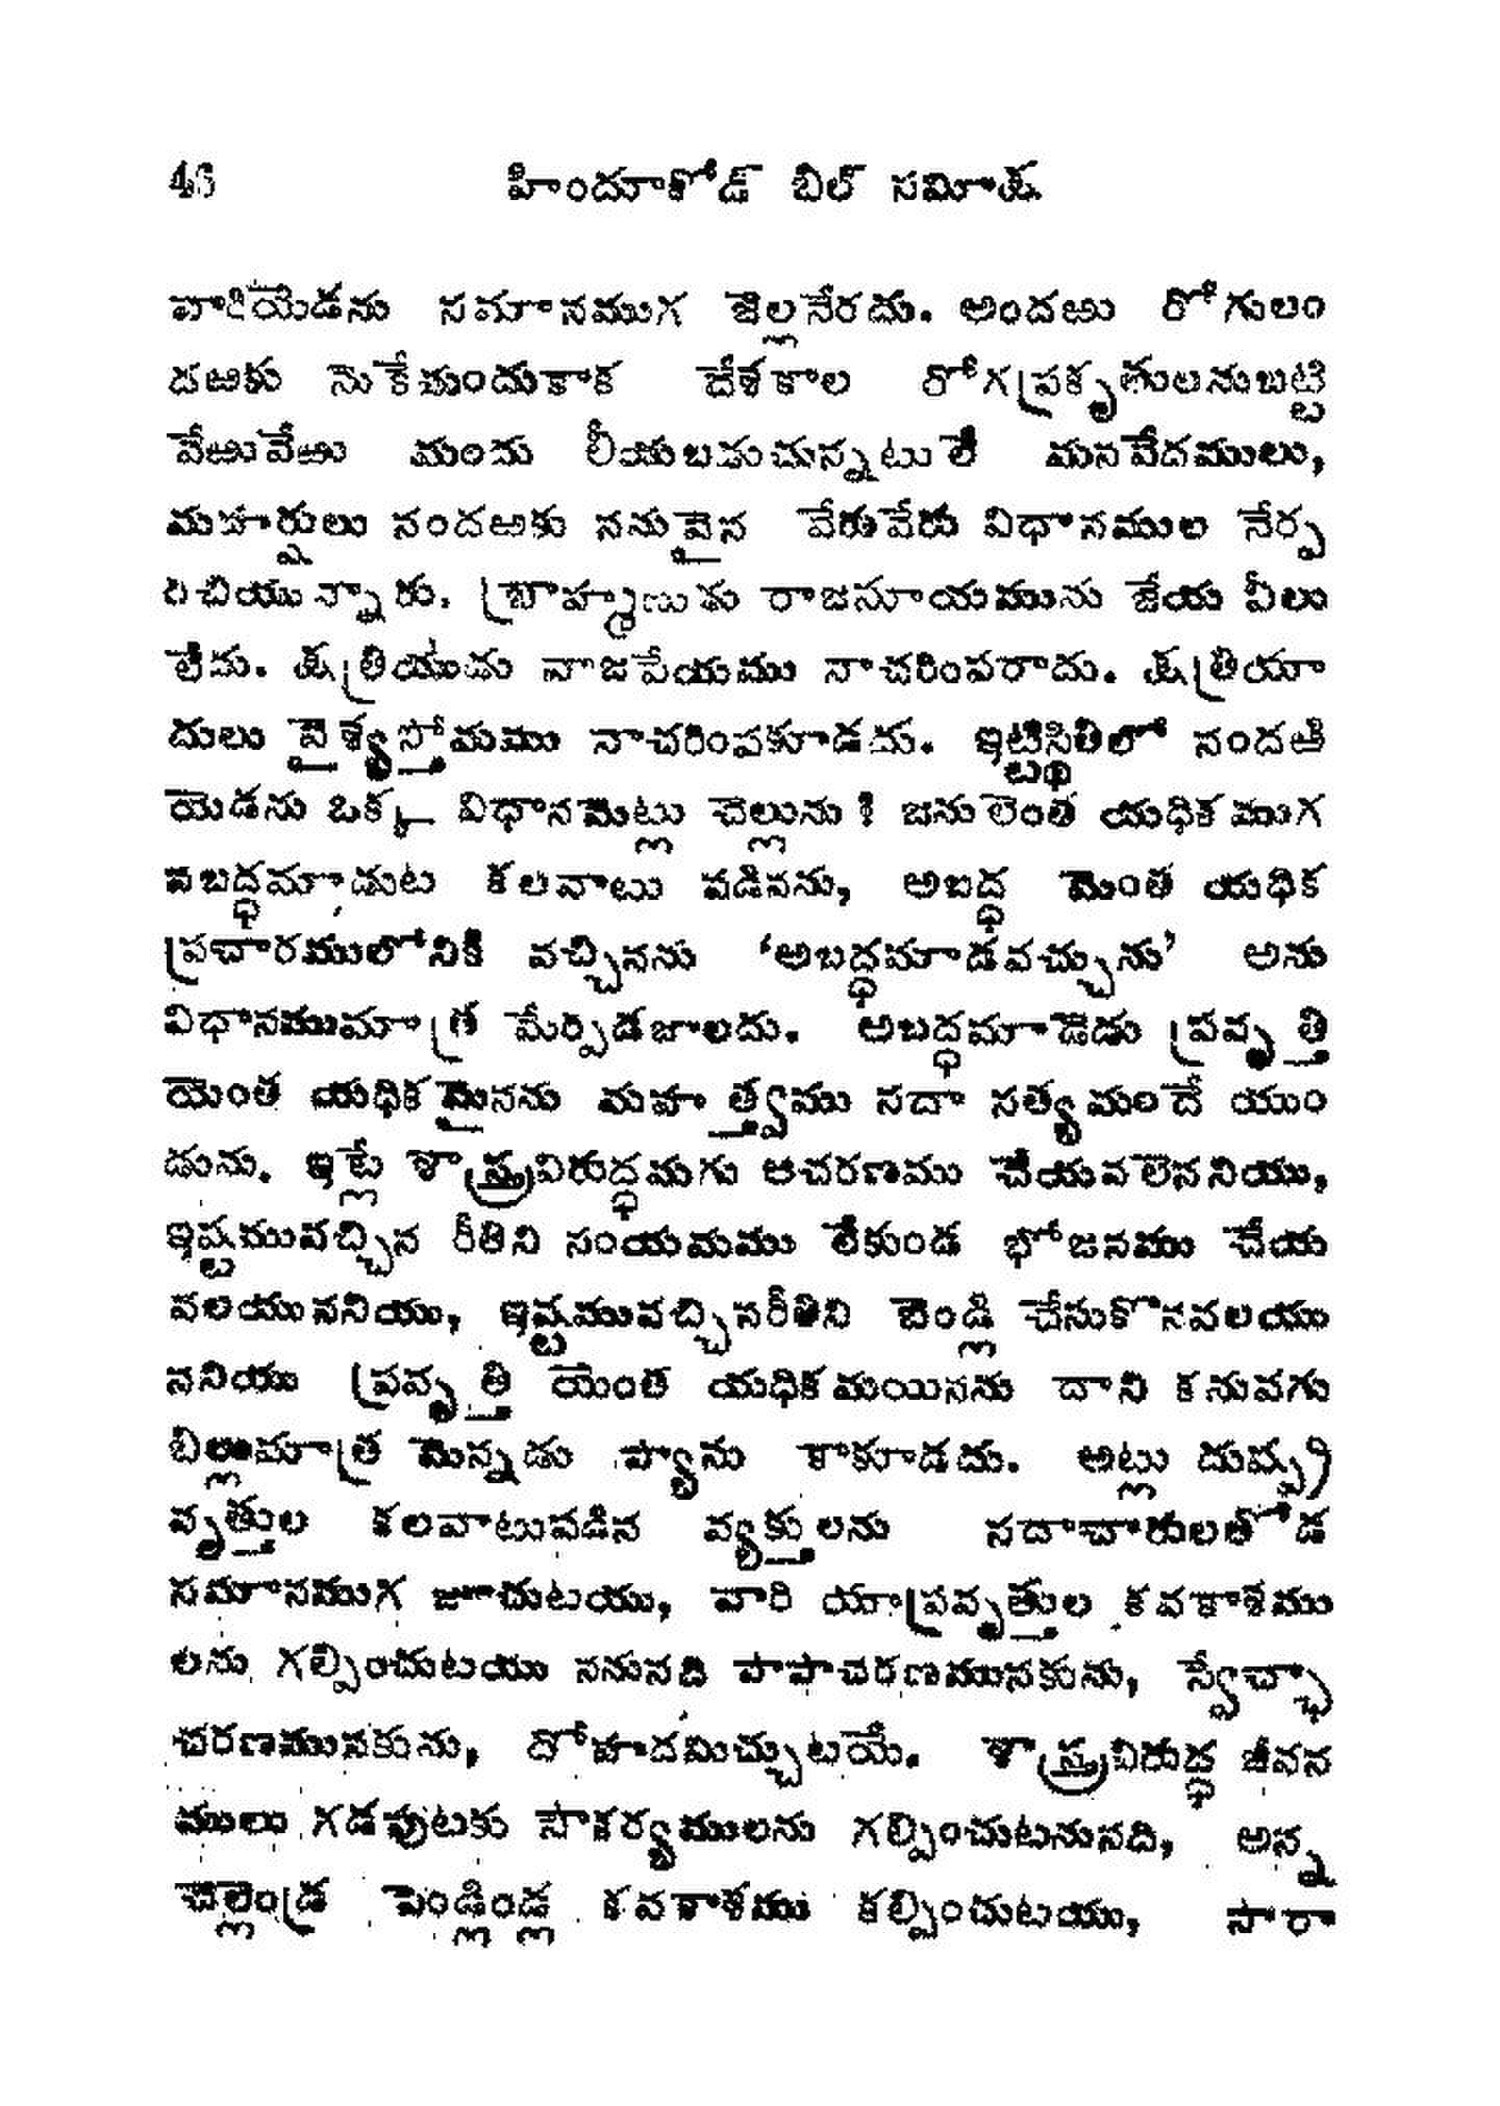వారియెడను సమానముగ జెల్లనేరదు. అందఱు రోగులందఱకు 
నొకేమందుకాక దేశకాల రోగప్రకృతులనుబట్టి 
వేఱువేఱు మందు లీయబడుచున్నటులే మనవేదములు,
మహర్షులు నందఱకు ననువైన వేరువేరు విధానముల నేర్పరచి
యున్నారు. బ్రాహ్మణుకు రాజసూయమును జేయ వీలు
లేదు. క్షత్రియుడు వాజపేయము నాచరింపరాదు. 
క్షత్రియాదులు వైశ్యస్తోమము నాచరింపకూడదు. ఇట్టిస్థితిలో నందఱి
యెడను ఒక్క విధానమెట్లు చెల్లును ? జనులెంత యధికముగ
నబద్ధమాడుట కలవాటు పడినను, అబద్ధ మెంత యధిక
ప్రచారములోనికి వచ్చినను 'అబద్ధమాడవచ్చును' అను
విధానముమాత్ర మేర్పడజాలదు. అబద్ధమాడెడు ప్రవృత్తి
యెంత యధికమైనను మహత్త్వము సదా సత్యమందే 
యుండును. ఇట్లే శాస్త్రవిరుద్ధమగు ఆచరణము చేయవలెననియు,
ఇష్టమువచ్చిన రీతిని సంయమము లేకుండ భోజనము చేయ
వలయుననియు, ఇష్టమువచ్చినరీతిని బెండ్లి చేసుకొనవలయు
ననియు ప్రవృత్తి యెంత యధిక మయినను దాని కనువగు
బిల్లు మాత్ర మెన్నడు ప్యాసు కాకూడదు. అట్లు దుష్ప్రవృత్తుల 
కలవాటుపడిన వ్యక్తులను సదాచారులతోడ సమానముగ 
జూచుటయు, వారి యాప్రవృత్తుల కవకాశములను 
గల్పించుటయు ననునది పాపాచరణమునకును, 
స్వేచ్ఛాచరణమునకును, దోహదమిచ్చుటయే. శాస్త్రవిరుద్ధ 
జీవన
ములు గడపుటకు సౌకర్యములను గల్పించుటనునది, అన్న 
చెల్లెండ్ర పెండ్లిండ్ల కవకాశము కల్పించుటయు, సారా